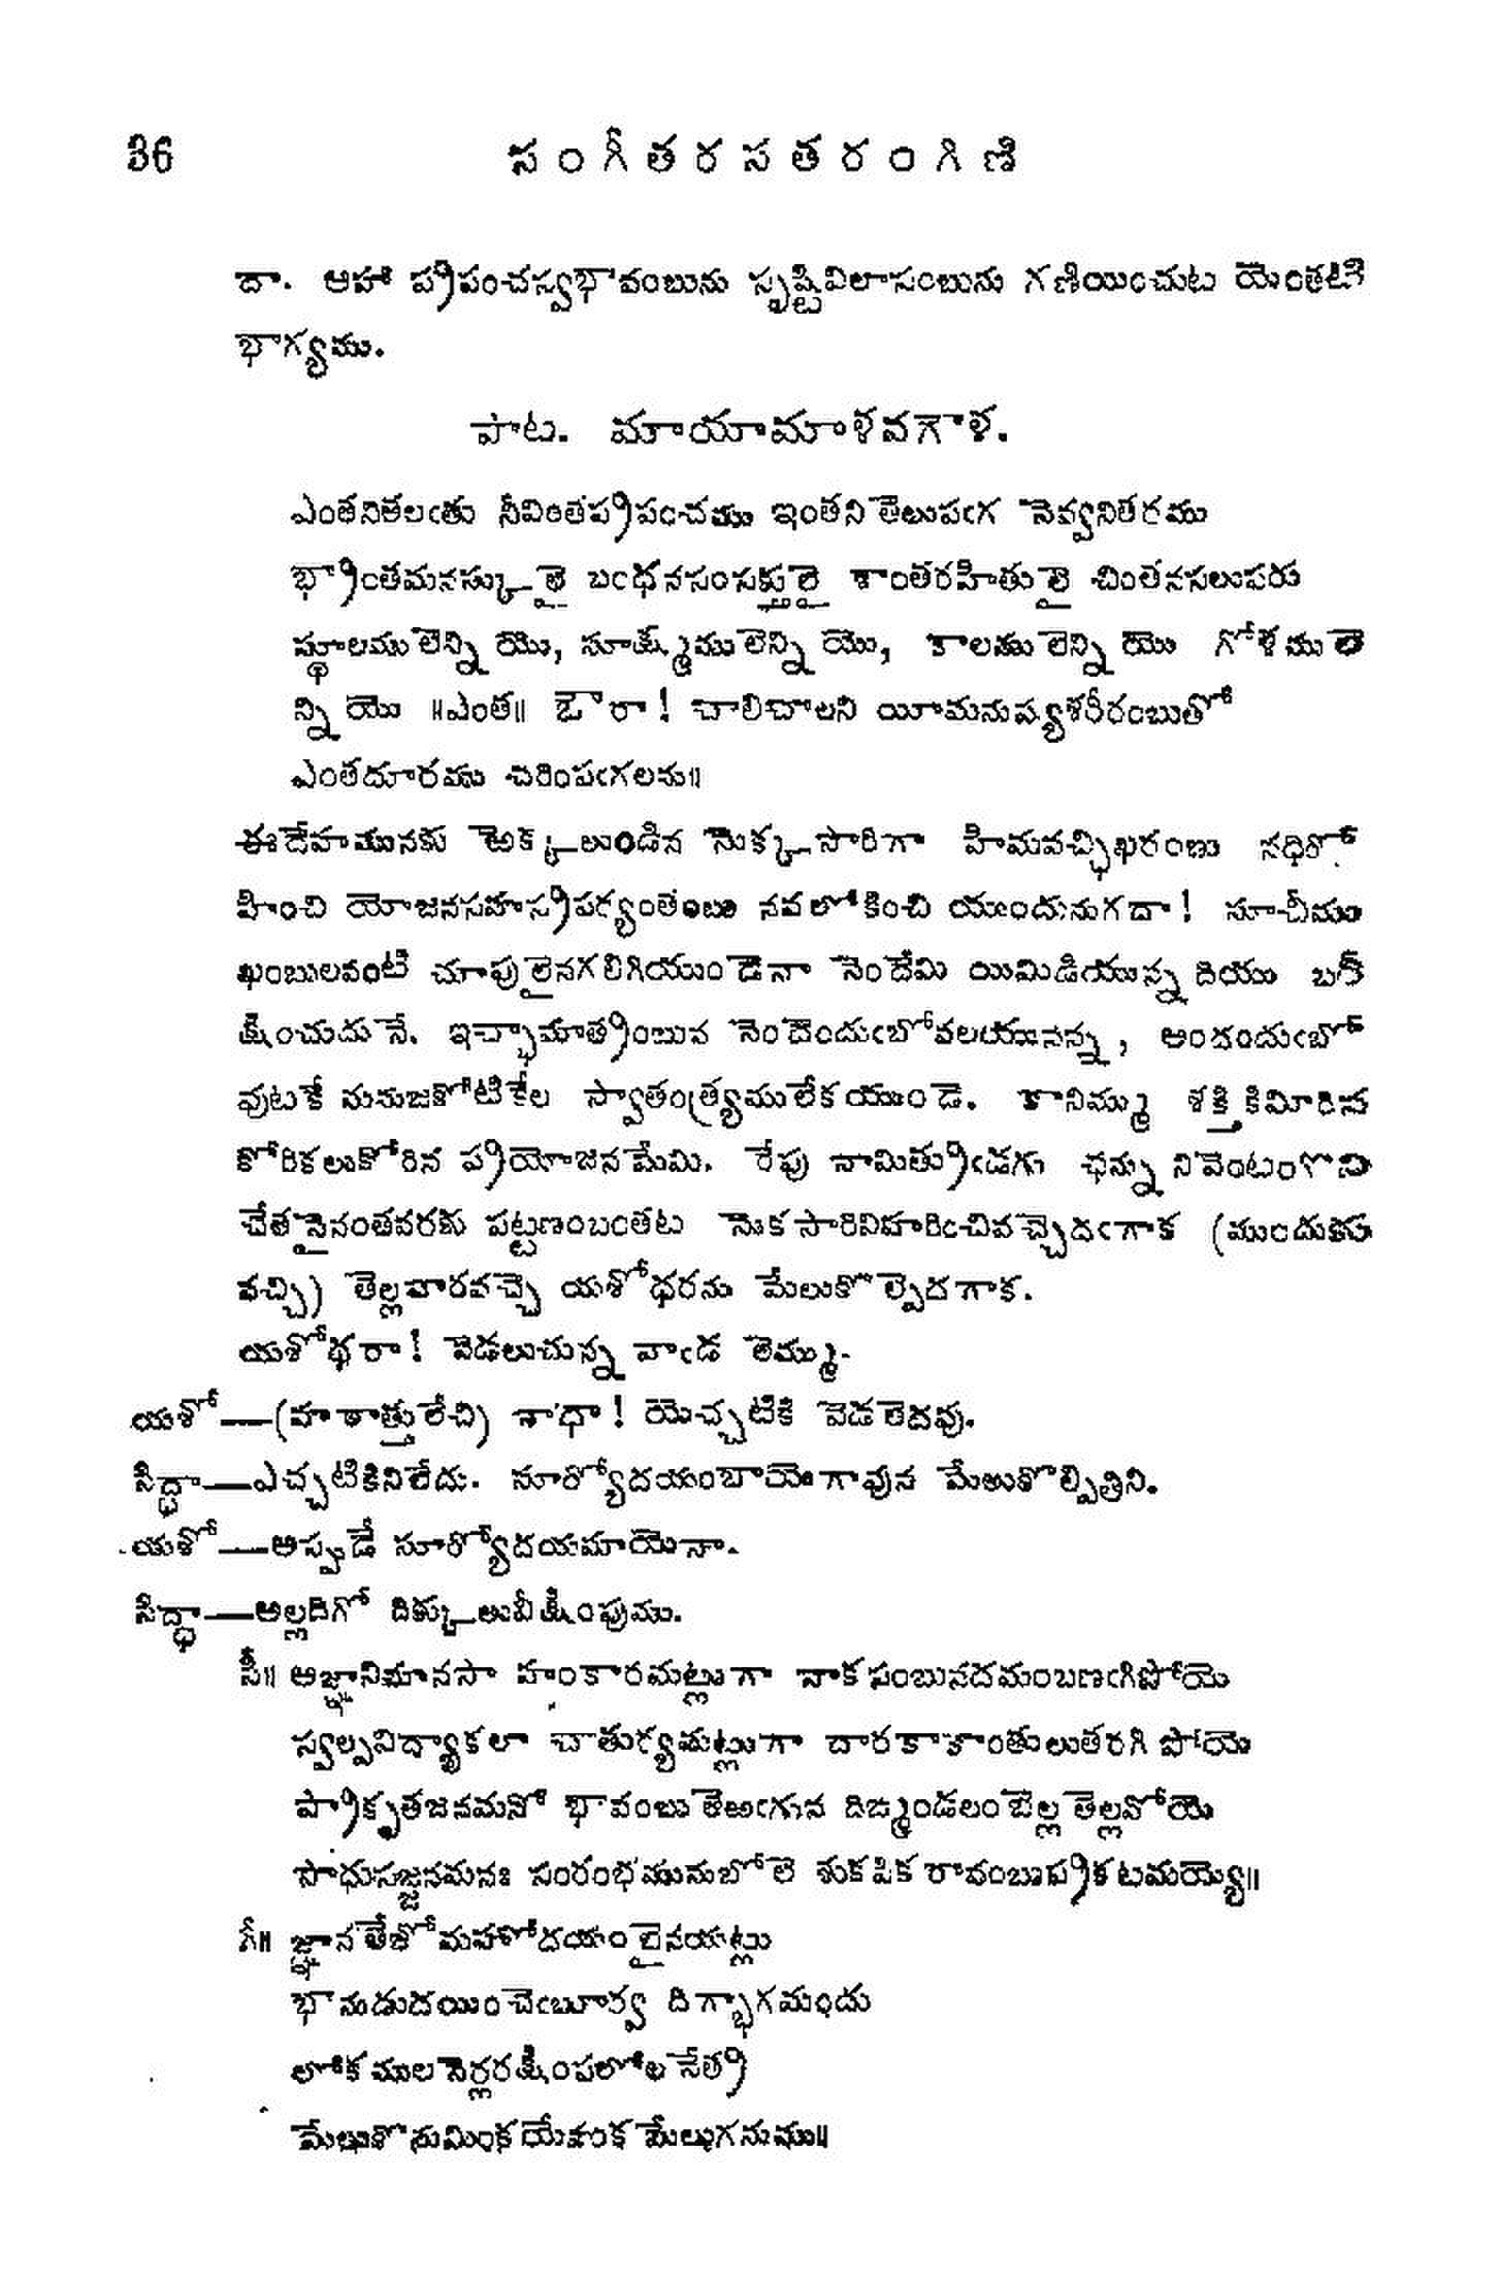సిద్దా - ఆహా ప్రపంచస్వభావంబును సృష్టివిలాసంబును గణియించుట యెంతటి భాగ్యము.

ఎంతనితలఁతు నీవింతప్రపంచము ఇంతనితెలుపఁగ నెవ్వనికరము
భ్రాంతమనస్కులై బంధనసంసక్తులై శాంతరహితులై చింతనసలుపరు
స్థూలములెన్నియొ, సూక్ష్మములెన్నియొ, కాలములెన్నియొ గోళములె
న్నియొ ॥ఎంత॥ ఔరా! చాలిచాలని యీమనుష్యశరీరంబుతో
ఎంతదూరము చరింపఁగలను॥ 

ఈదేహమునకు ఱెక్కలుండిన నొక్కసారిగా హిమవచ్ఛిఖరంబు నధిరోహించి యోజనసహస్రపర్యంతంబు నవలోకించి యుందునుగదా! సూచీమంఖంబులవంటి చూపులైనగలిగియుండెనా సెందేమి యిమిడియున్నదియు బరీక్షించుదునే. ఇచ్ఛామాత్య్రంబువనెందెందుఁ బోవలయునన్న, అందందుఁబోవుటకే మనుజకోటికేల స్వాతంత్య్రములేకయుండె. కానిమ్ము శక్తికిమీరిన కోరికలుకోరిన ప్రయోజనమేమి. 
రేపు నామిత్రుఁడగు ఛన్నునివెంటంగొని చేతనైనంతవరకు పట్టణంబంతట మోకసారివిహరించివచ్చెదఁగాక (ముందుకు వచ్చి) 
తెల్లవారవచ్చె యశోధరను మేలుకొల్పెదగాక.
యశోధరా! వెడలుచున్న వాఁడ లెమ్ము.

యశో — (హశాత్తులేచి) నాధా! యెచ్చటికి వెడలెదవు.

సిద్ధా — ఎచ్చటికినిలేదు. సూర్యోదయంబాయెగావున మేలుకొల్పితిని.

యశో - అప్పుడే సూర్యోదయమాయెనా-

సిద్ధా — అల్లదిగో దిక్కులువీక్షింపుము.

సీ॥ అజ్ఞానిమానసా హంకారమట్లుగా నాక సంబునదమంబణఁగిపోయె
స్వల్పవిద్యాకలా చాతుర్యమట్లుగా దారకాకాంతులుతరగిపోయె
ప్రాకృతజనమనో భావంబుతెఱఁగున దిఙ్మండలంబెల్లతెల్లవోయె
సాధుసజ్జనమనః సంరంభమునుబోలె శుకపికరావంబుప్రకటమయ్యె॥ 

గీ॥ జ్ఞానతేజో మహోదయంబైనయట్లు
భానుడుదయించెఁబూర్వ దిగ్భాగమందు
లోకములనెర్లరక్షింపలోలనేత్ర
మేలుకొనుమింకయేకంక మేలుగనుము॥